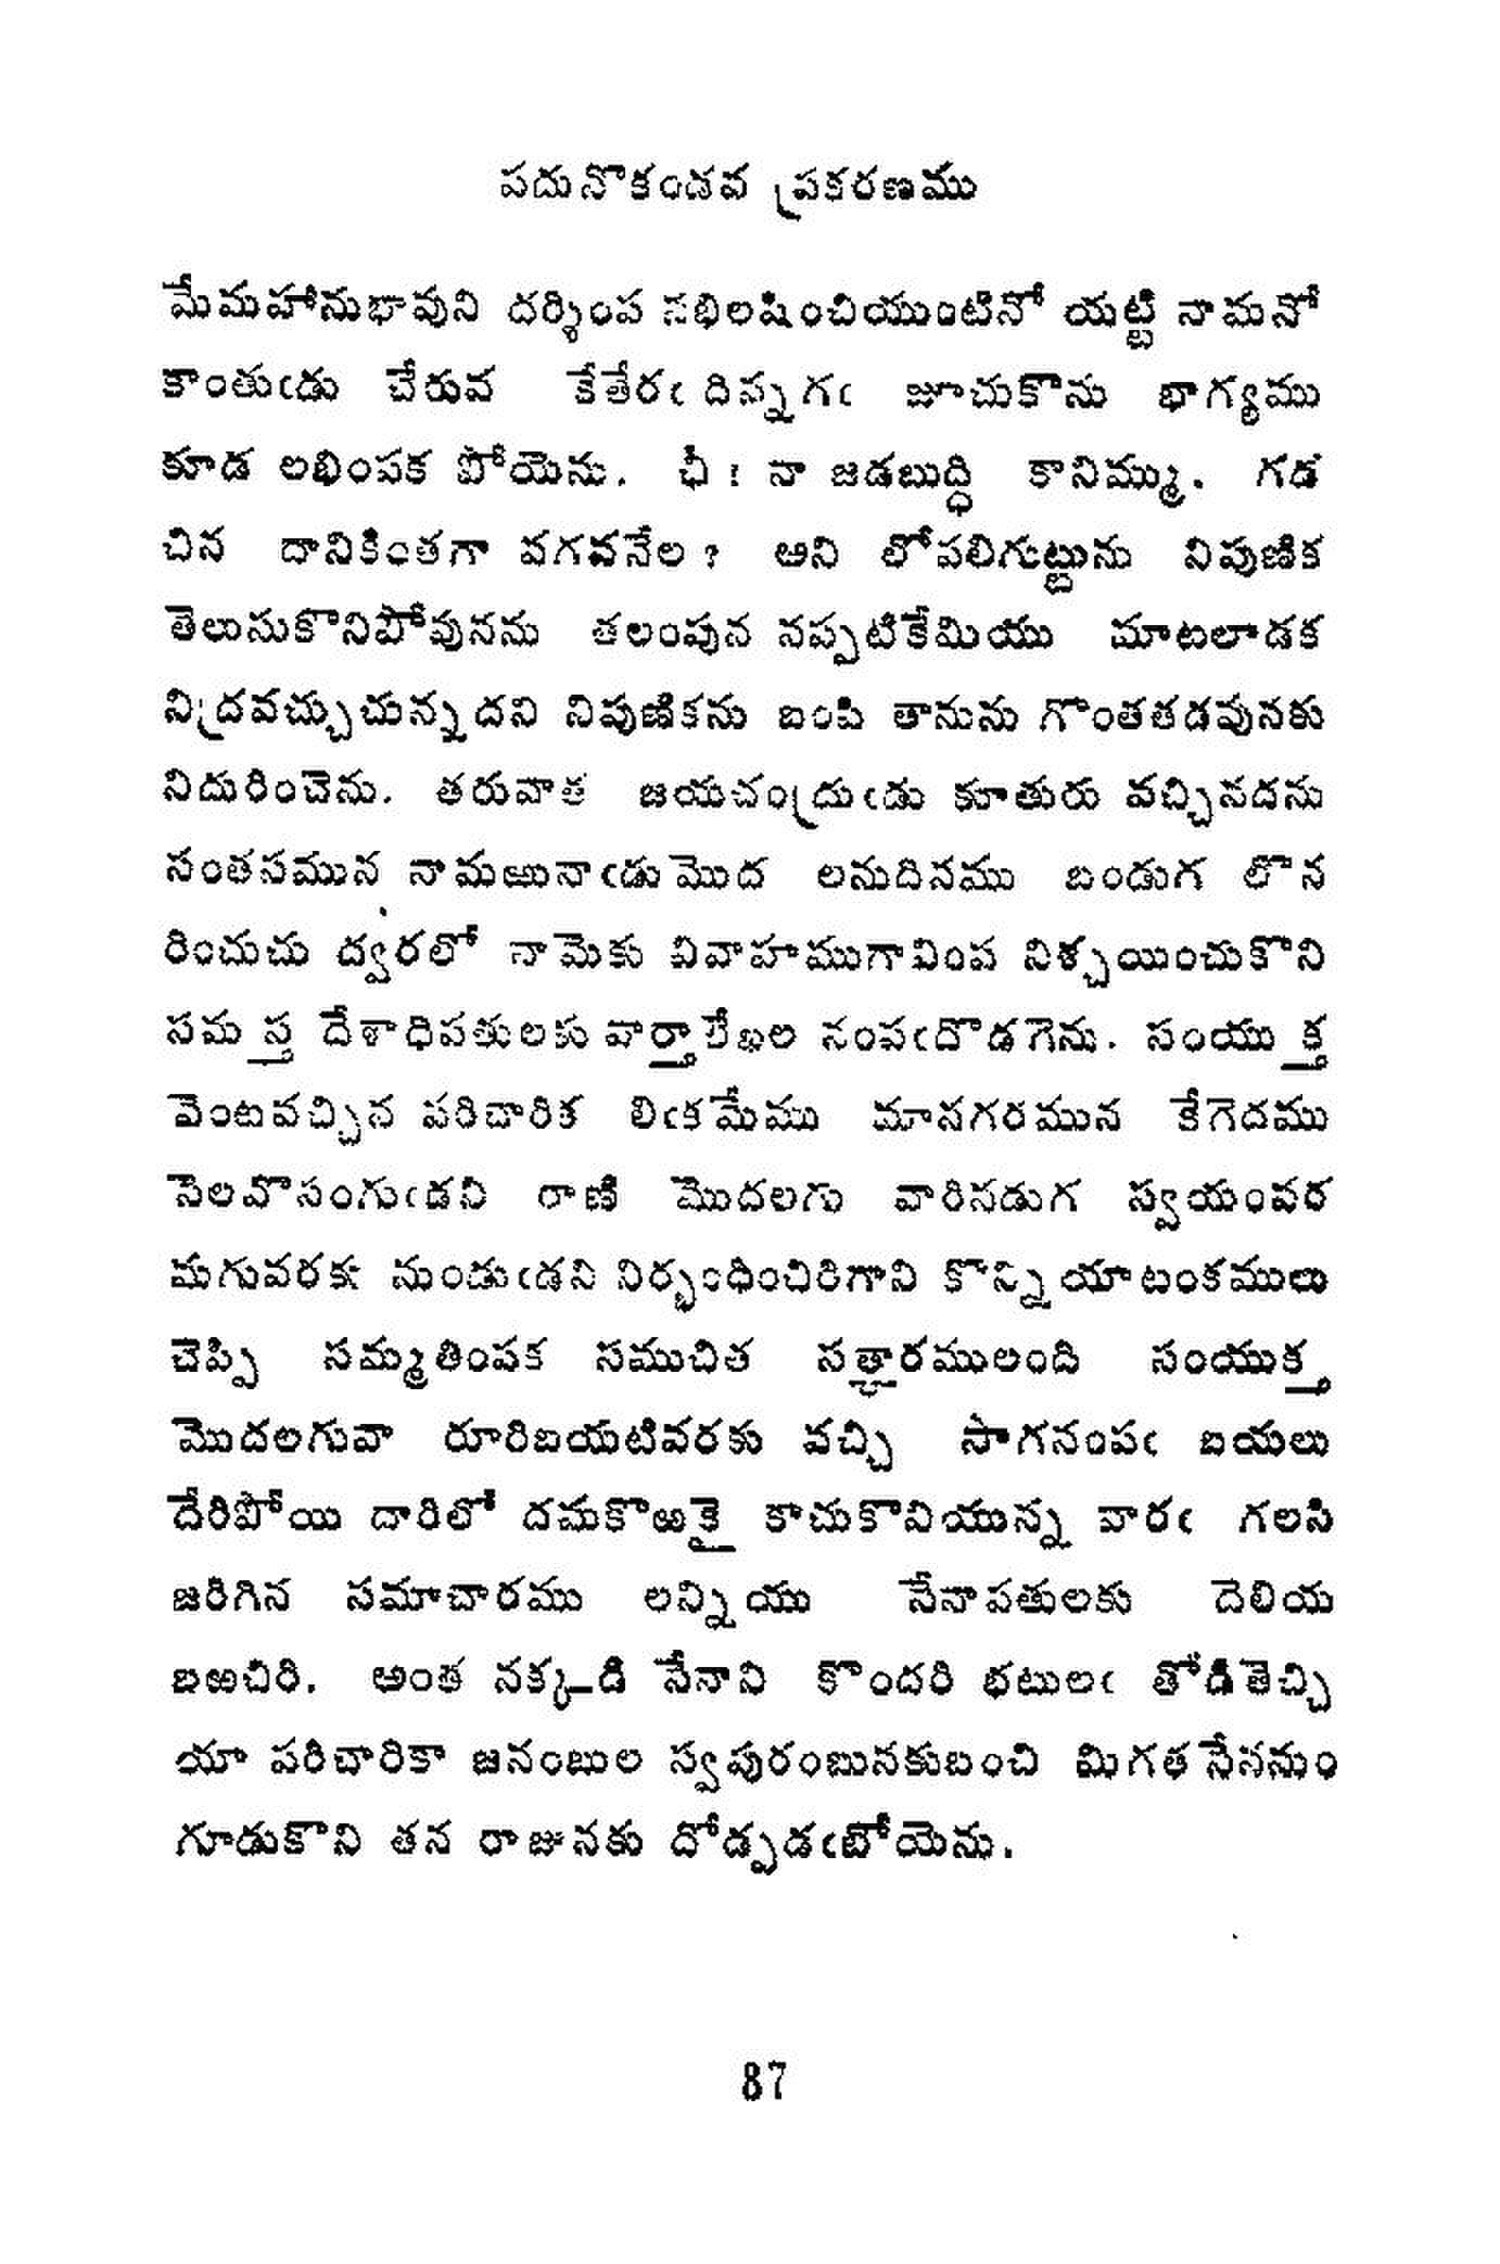మేమహానుభావుని దర్శింప సభిలషించియుంటినో యట్టి నామనోకాంతుఁడు చేరువ కేతేరఁ దిన్నగఁ జూచుకొను భాగ్యము కూడ లభింపక పోయెను. చీ ! నా జడబుద్ది కానిమ్ము, గడచిన దానికింతగా వగవనేల? అని లోపలిగుట్టును నిపుణిక తెలుసుకొనిపోవునను తలంపున నప్పటికేమియు మాటలాడక నిద్రవచ్చు చున్నదని నిపుణికను బంపి తానును గొంతతడవునకు నిదురించెను. తరువాత జయచంద్రుఁడు కూతురు వచ్చినదను సంతసమున నామఱునాఁడు మొద లనుదినము బండుగ లొనరించుచు ద్వరలో నామెకు వివాహముగావింప నిశ్చయించుకొని సమస్త దేశాధిపతులకు వార్తాలేఖల నంపఁదొడగెను . సంయుక్త వెంటవచ్చిన పరిచారిక లిఁకమేము మానగరమున కేగెదము సెలవొసంగుఁడని రాణి మొదలగు వారినడుగ స్వయంవర మగువరకు నుండుఁడని నిర్బంధించిరిగాని కొన్ని యాటంకములు చెప్పి సమ్మతింపక సముచిత సత్కారములంది సంయుక్త మొదలగువా రూరిబయటివరకు వచ్చి సాగనంపఁ బయలుదేరిపోయి దారిలో దముకొఱకై కాచుకొనియున్న వారఁ గలసి జరిగిన సమాచారము లన్నియు సేనాపతులకు దేలియ బఱచిరి. అంత నక్కడి సేనాని కొందరి భటులఁ తోడితెచ్చి యా పరిచారికా జనంబుల స్వపురంబునకుబంచి మిగతసేననుం గూడుకొని తన రాజునకు దోడ్పడఁబోయెను.